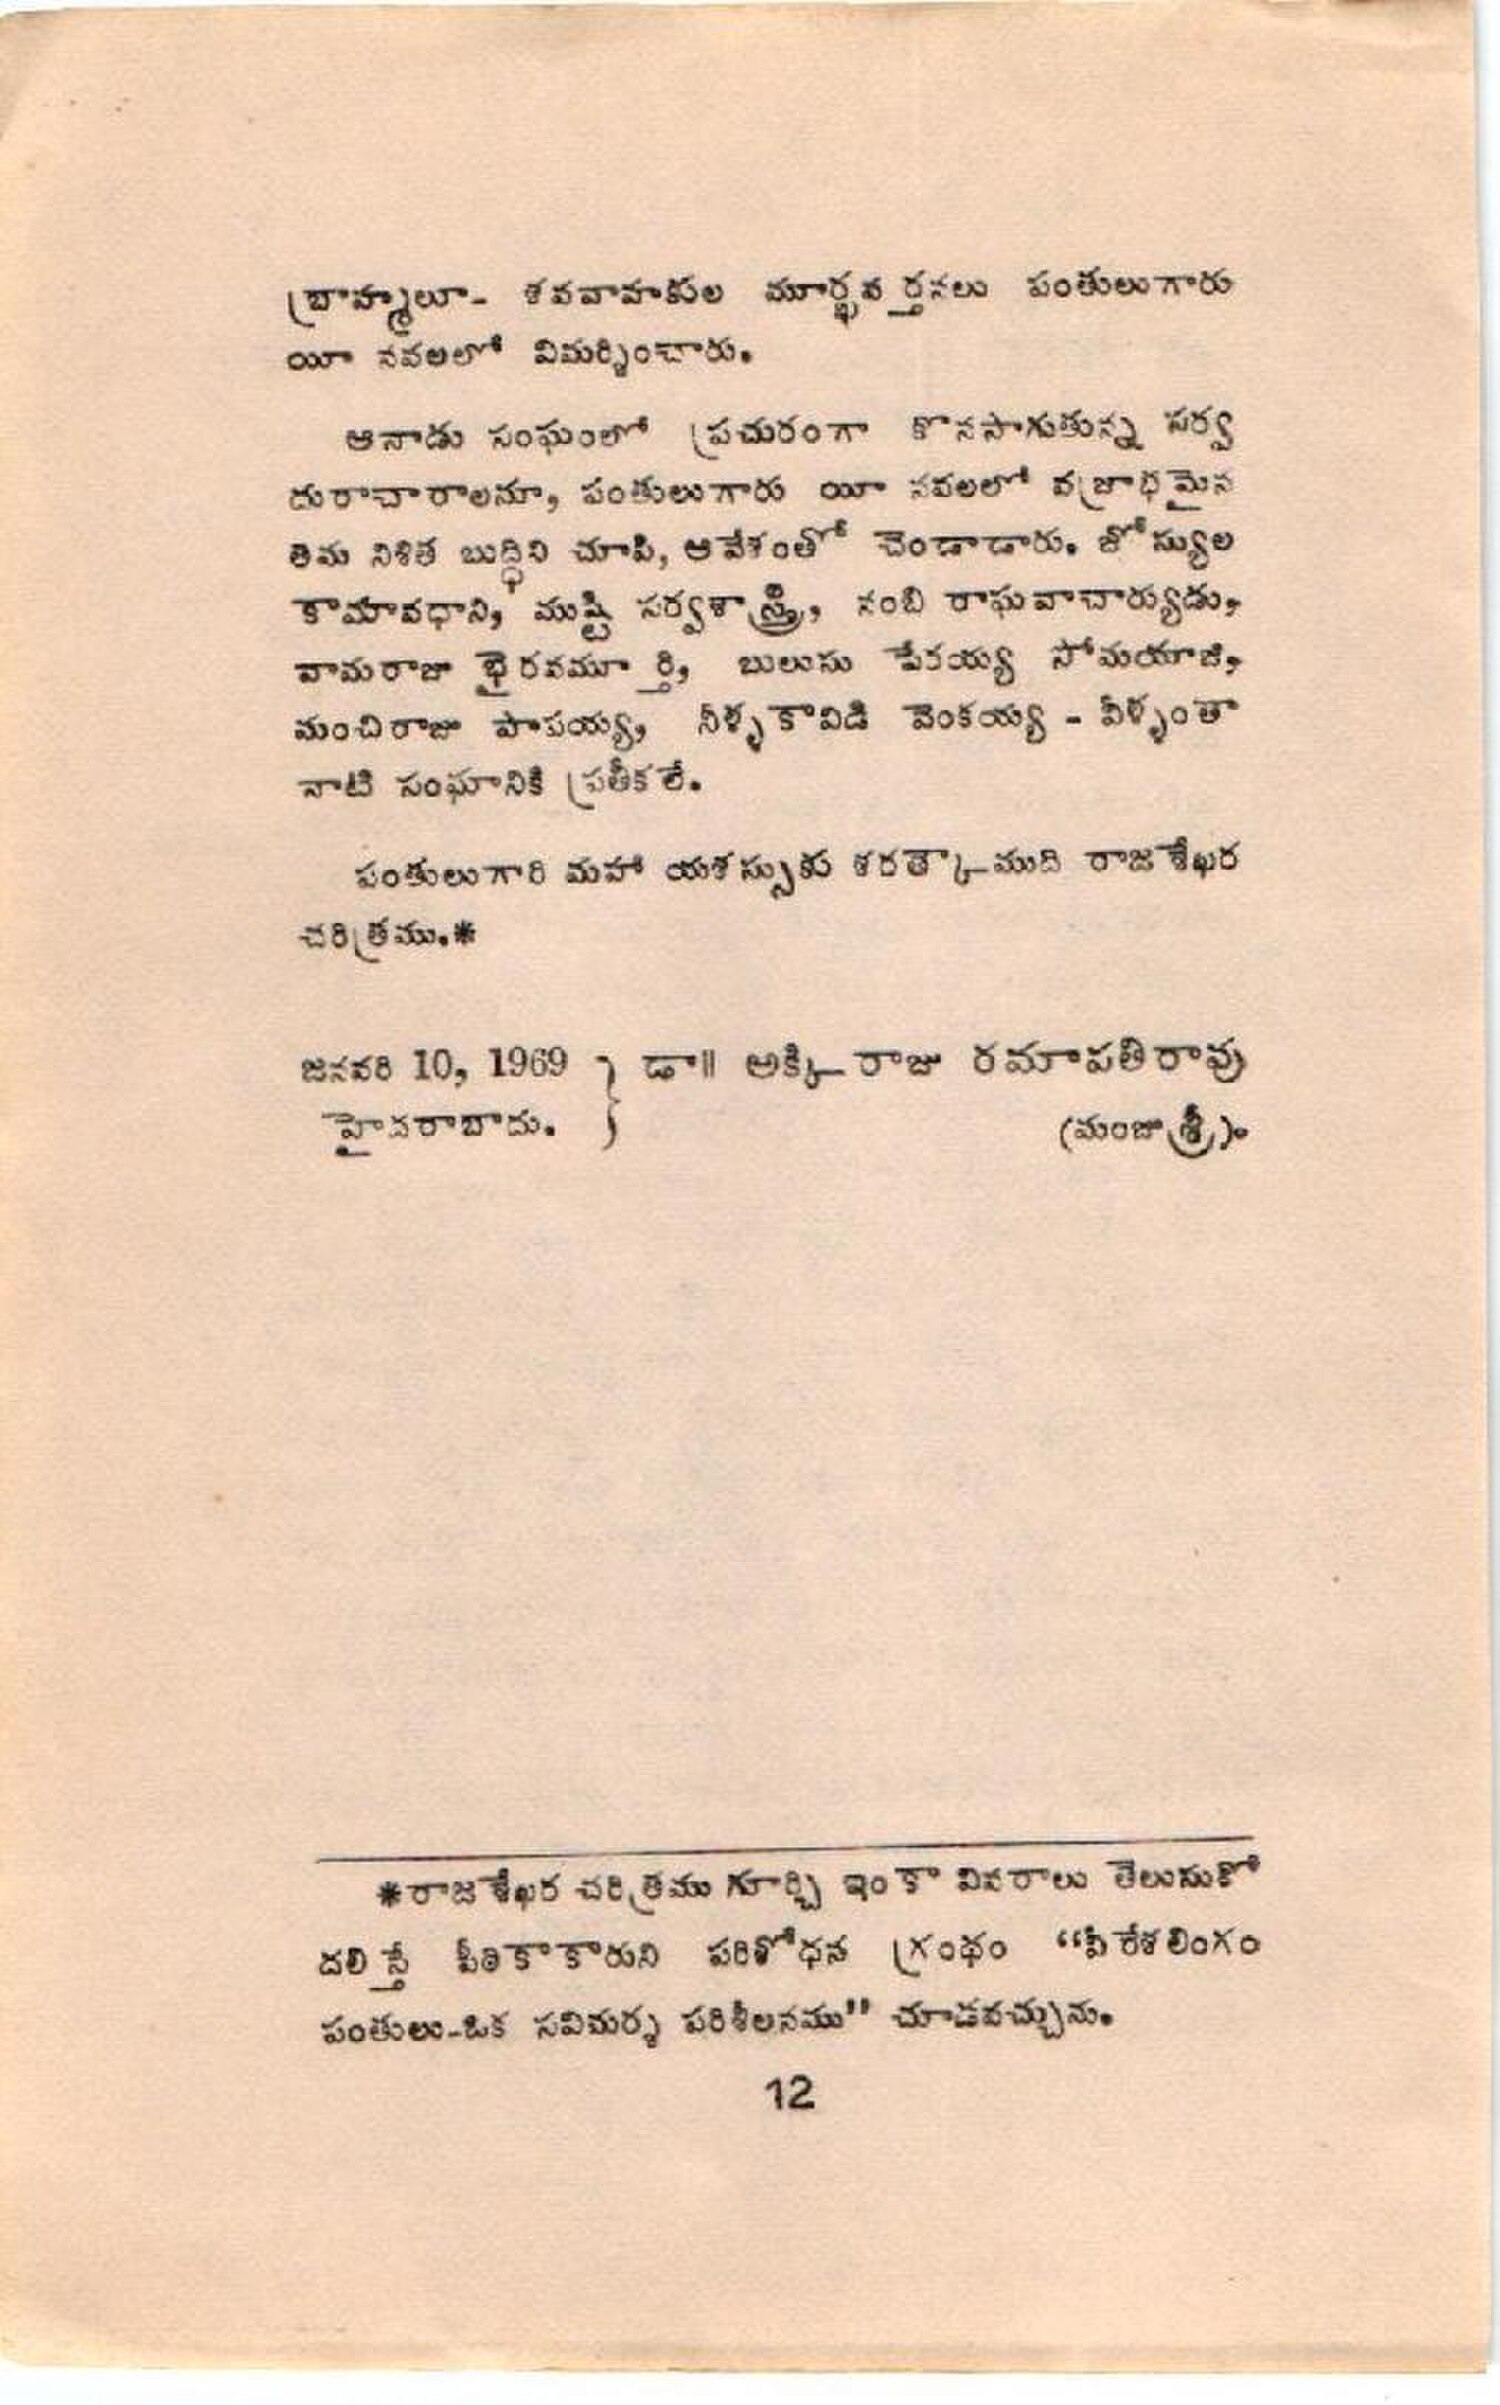బ్రాహ్మలూ-శవవాహకుల మూర్ఖవర్తనలు పంతులుగారు యీ నవలలో విమర్శించారు.

ఆనాడు సంఘంలో ప్రచురంగా కొనసాగుతున్న సర్వ దురాచారాలనూ, పంతులు గారు యీ నవలలో వజ్రాభమైన తమ నిశిత బుద్ధిని చూపి, ఆవేశంతో చెండాడారు. జోస్యుల కామావధాని, ముష్టి సర్వశాస్త్రి, నంబి రాఘవాచార్యుడు, వామరాజు భైరవమూర్తి, బులుసు పేరయ్య సోమయాజి, మంచి రాజు పాపయ్య, నీళ్ళ కావిడి వెంకయ్య - వీళ్ళంతా నాటి సంఘానికి ప్రతీకలే.

పంతులు గారి మహా యశస్సుకు శరత్కౌముది రాజశేఖర చరిత్రము.
 జనవరి 10, 1969హైదరాబాదు, డా॥ అక్కిరాజు రమాపతిరావు(మంజుశ్రీ)